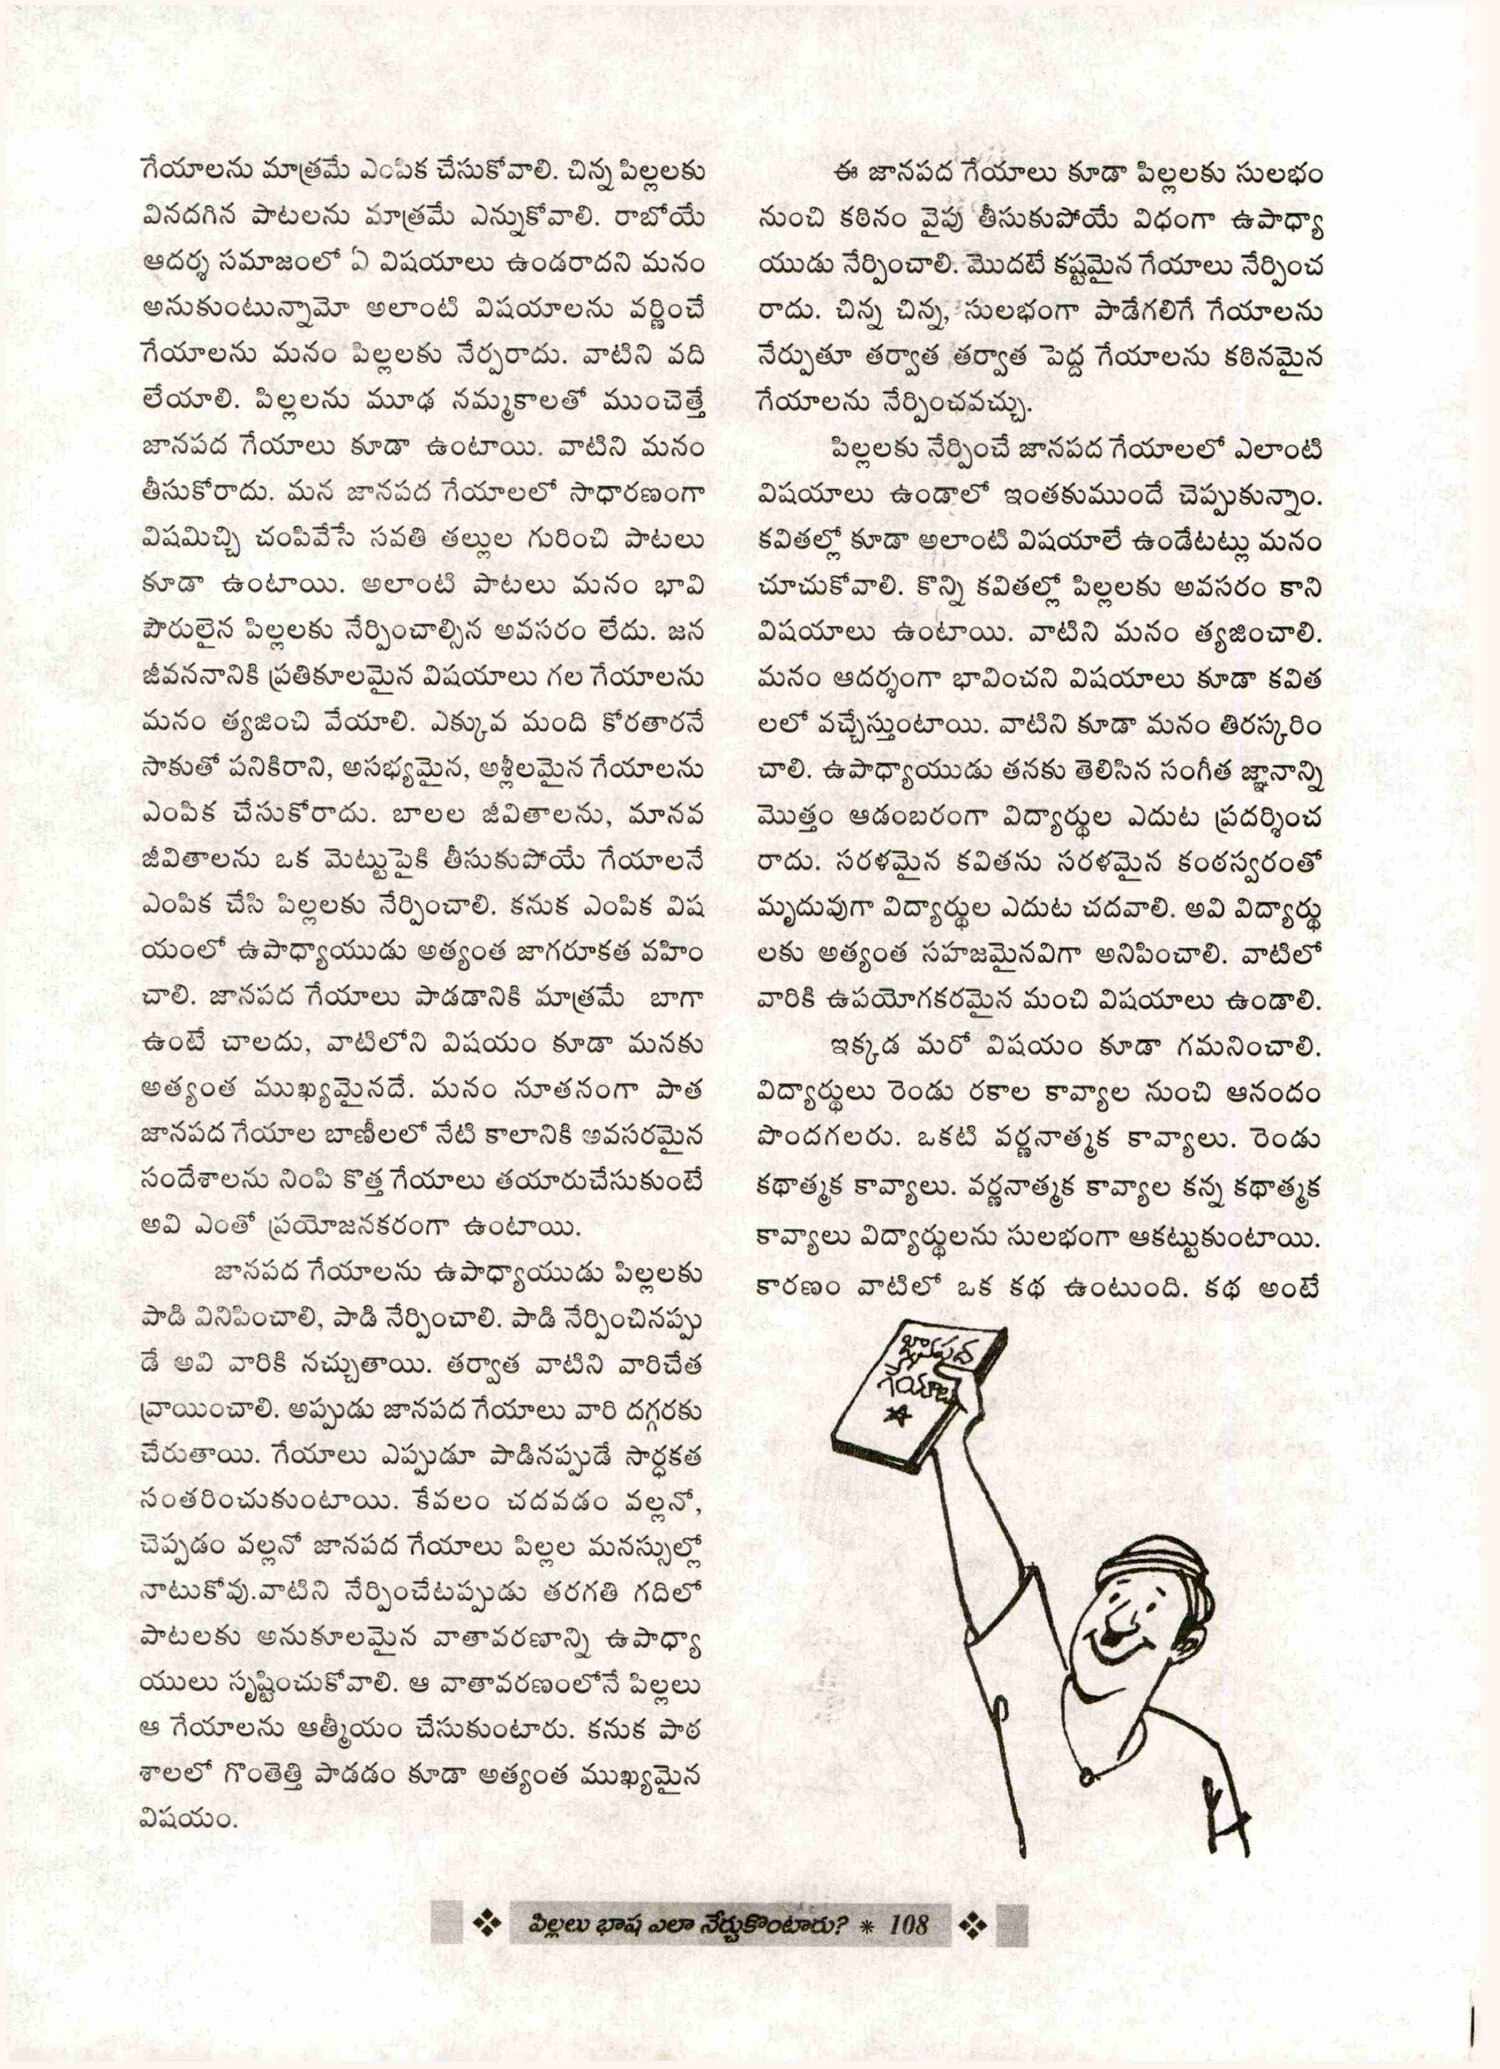గేయాలను మాత్రమే ఎంపిక చేసుకోవాలి. చిన్న పిల్లలకు వినదగిన పాటలను మాత్రమే ఎన్నుకోవాలి. రాబోయే ఆదర్శ సమాజంలో ఏ విషయాలు ఉండరాదని మనం అనుకుంటున్నామో అలాంటి విషయాలను వర్ణించే గేయాలను మనం పిల్లలకు నేర్పరాదు. వాటిని వదిలేయాలి. పిల్లలను మూఢ నమ్మకాలతో ముంచెత్తే జానపద గేయాలు కూడా ఉంటాయి. వాటిని మనం తీసుకోరాదు. మన జానపద గేయాలలో సాధారణంగా విషమిచ్చి చంపివేసే సవతి తల్లుల గురించి పాటలు కూడా ఉంటాయి. అలాంటి పాటలు మనం భావిపౌరులైన పిల్లలకు నేర్పించాల్సిన అవసరం లేదు. జన జీవననానికి ప్రతికూలమైన విషయాలు గల గేయాలను మనం త్యజించి వేయాలి. ఎక్కువ మంది కోరతారనే
సాకుతో పనికిరాని, అసభ్యమైన, అశ్లీలమైన గేయాలను ఎంపిక చేసుకోరాదు. బాలల జీవితాలను, మానవ
జీవితాలను ఒక మెట్టుపైకి తీసుకుపోయే గేయాలనే ఎంపిక చేసి పిల్లలకు నేర్పించాలి. కనుక ఎంపిక విషయంలో ఉపాధ్యాయుడు అత్యంత జాగరూకత వహించాలి. జానపద గేయాలు పాడడానికి మాత్రమే బాగా ఉంటే చాలదు, వాటిలోని విషయం కూడా మనకు అత్యంత ముఖ్యమైనదే. మనం నూతనంగా పాత జానపద గేయాల బాణీలలో నేటి కాలానికి అవసరమైన సందేశాలను నింపి కొత్త గేయాలు తయారుచేసుకుంటే అవి ఎంతో ప్రయోజనకరంగా ఉంటాయి.

జానపద గేయాలను ఉపాధ్యాయుడు పిల్లలకు పాడి వినిపించాలి, పాడి నేర్పించాలి. పాడి నేర్పించినప్పుడే అవి వారికి నచ్చుతాయి. తర్వాత వాటిని వారిచేత వ్రాయించాలి. అప్పుడు జానపద గేయాలు వారి దగ్గరకు చేరుతాయి. గేయాలు ఎప్పుడూ పాడినప్పుడే సార్ధకత సంతరించుకుంటాయి. కేవలం చదవడం వల్లనో, చెప్పడం వల్లనో జానపద గేయాలు పిల్లల మనస్సుల్లో నాటుకోవు.వాటిని నేర్పించేటప్పుడు తరగతి గదిలో పాటలకు అనుకూలమైన వాతావరణాన్ని ఉపాధ్యాయులు సృష్టించుకోవాలి. ఆ వాతావరణంలోనే పిల్లలు ఆ గేయాలను ఆత్మీయం చేసుకుంటారు. కనుక పాఠశాలలో గొంతెత్తి పాడడం కూడా అత్యంత ముఖ్యమైన విషయం.

ఈ జానపద గేయాలు కూడా పిల్లలకు సులభం నుంచి కఠినం వైపు తీసుకుపోయే విధంగా ఉపాధ్యాయుడు నేర్పించాలి. మొదటే కష్టమైన గేయాలు నేర్పించ రాదు. చిన్న చిన్న, సులభంగా పాడేగలిగే గేయాలను నేర్పుతూ తర్వాత తర్వాత పెద్ద గేయాలను కఠినమైన గేయాలను నేర్పించవచ్చు.

పిల్లలకు నేర్పించే జానపద గేయాలలో ఎలాంటి విషయాలు ఉండాలో ఇంతకుముందే చెప్పుకున్నాం. కవితల్లో కూడా అలాంటి విషయాలే ఉండేటట్లు మనం చూచుకోవాలి. కొన్ని కవితల్లో పిల్లలకు అవసరం కాని విషయాలు ఉంటాయి. వాటిని మనం త్యజించాలి. మనం ఆదర్శంగా భావించని విషయాలు కూడా కవితలలో వచ్చేస్తుంటాయి. వాటిని కూడా మనం తిరస్కరించాలి. ఉపాధ్యాయుడు తనకు తెలిసిన సంగీత జ్ఞానాన్ని మొత్తం ఆడంబరంగా విద్యార్థుల ఎదుట ప్రదర్శించరాదు. సరళమైన కవితను సరళమైన కంఠస్వరంతో మృదువుగా విద్యార్థుల ఎదుట చదవాలి. అవి విద్యార్థులకు అత్యంత సహజమైనవిగా అనిపించాలి. వాటిలో వారికి ఉపయోగకరమైన మంచి విషయాలు ఉండాలి.

ఇక్కడ మరో విషయం కూడా గమనించాలి. విద్యార్థులు రెండు రకాల కావ్యాల నుంచి ఆనందం పొందగలరు. ఒకటి వర్ణనాత్మక కావ్యాలు. రెండు కథాత్మక కావ్యాలు. వర్ణనాత్మక కావ్యాల కన్న కథాత్మక కావ్యాలు విద్యార్థులను సులభంగా ఆకట్టుకుంటాయి. కారణం వాటిలో ఒక కథ ఉంటుంది. కథ అంటే